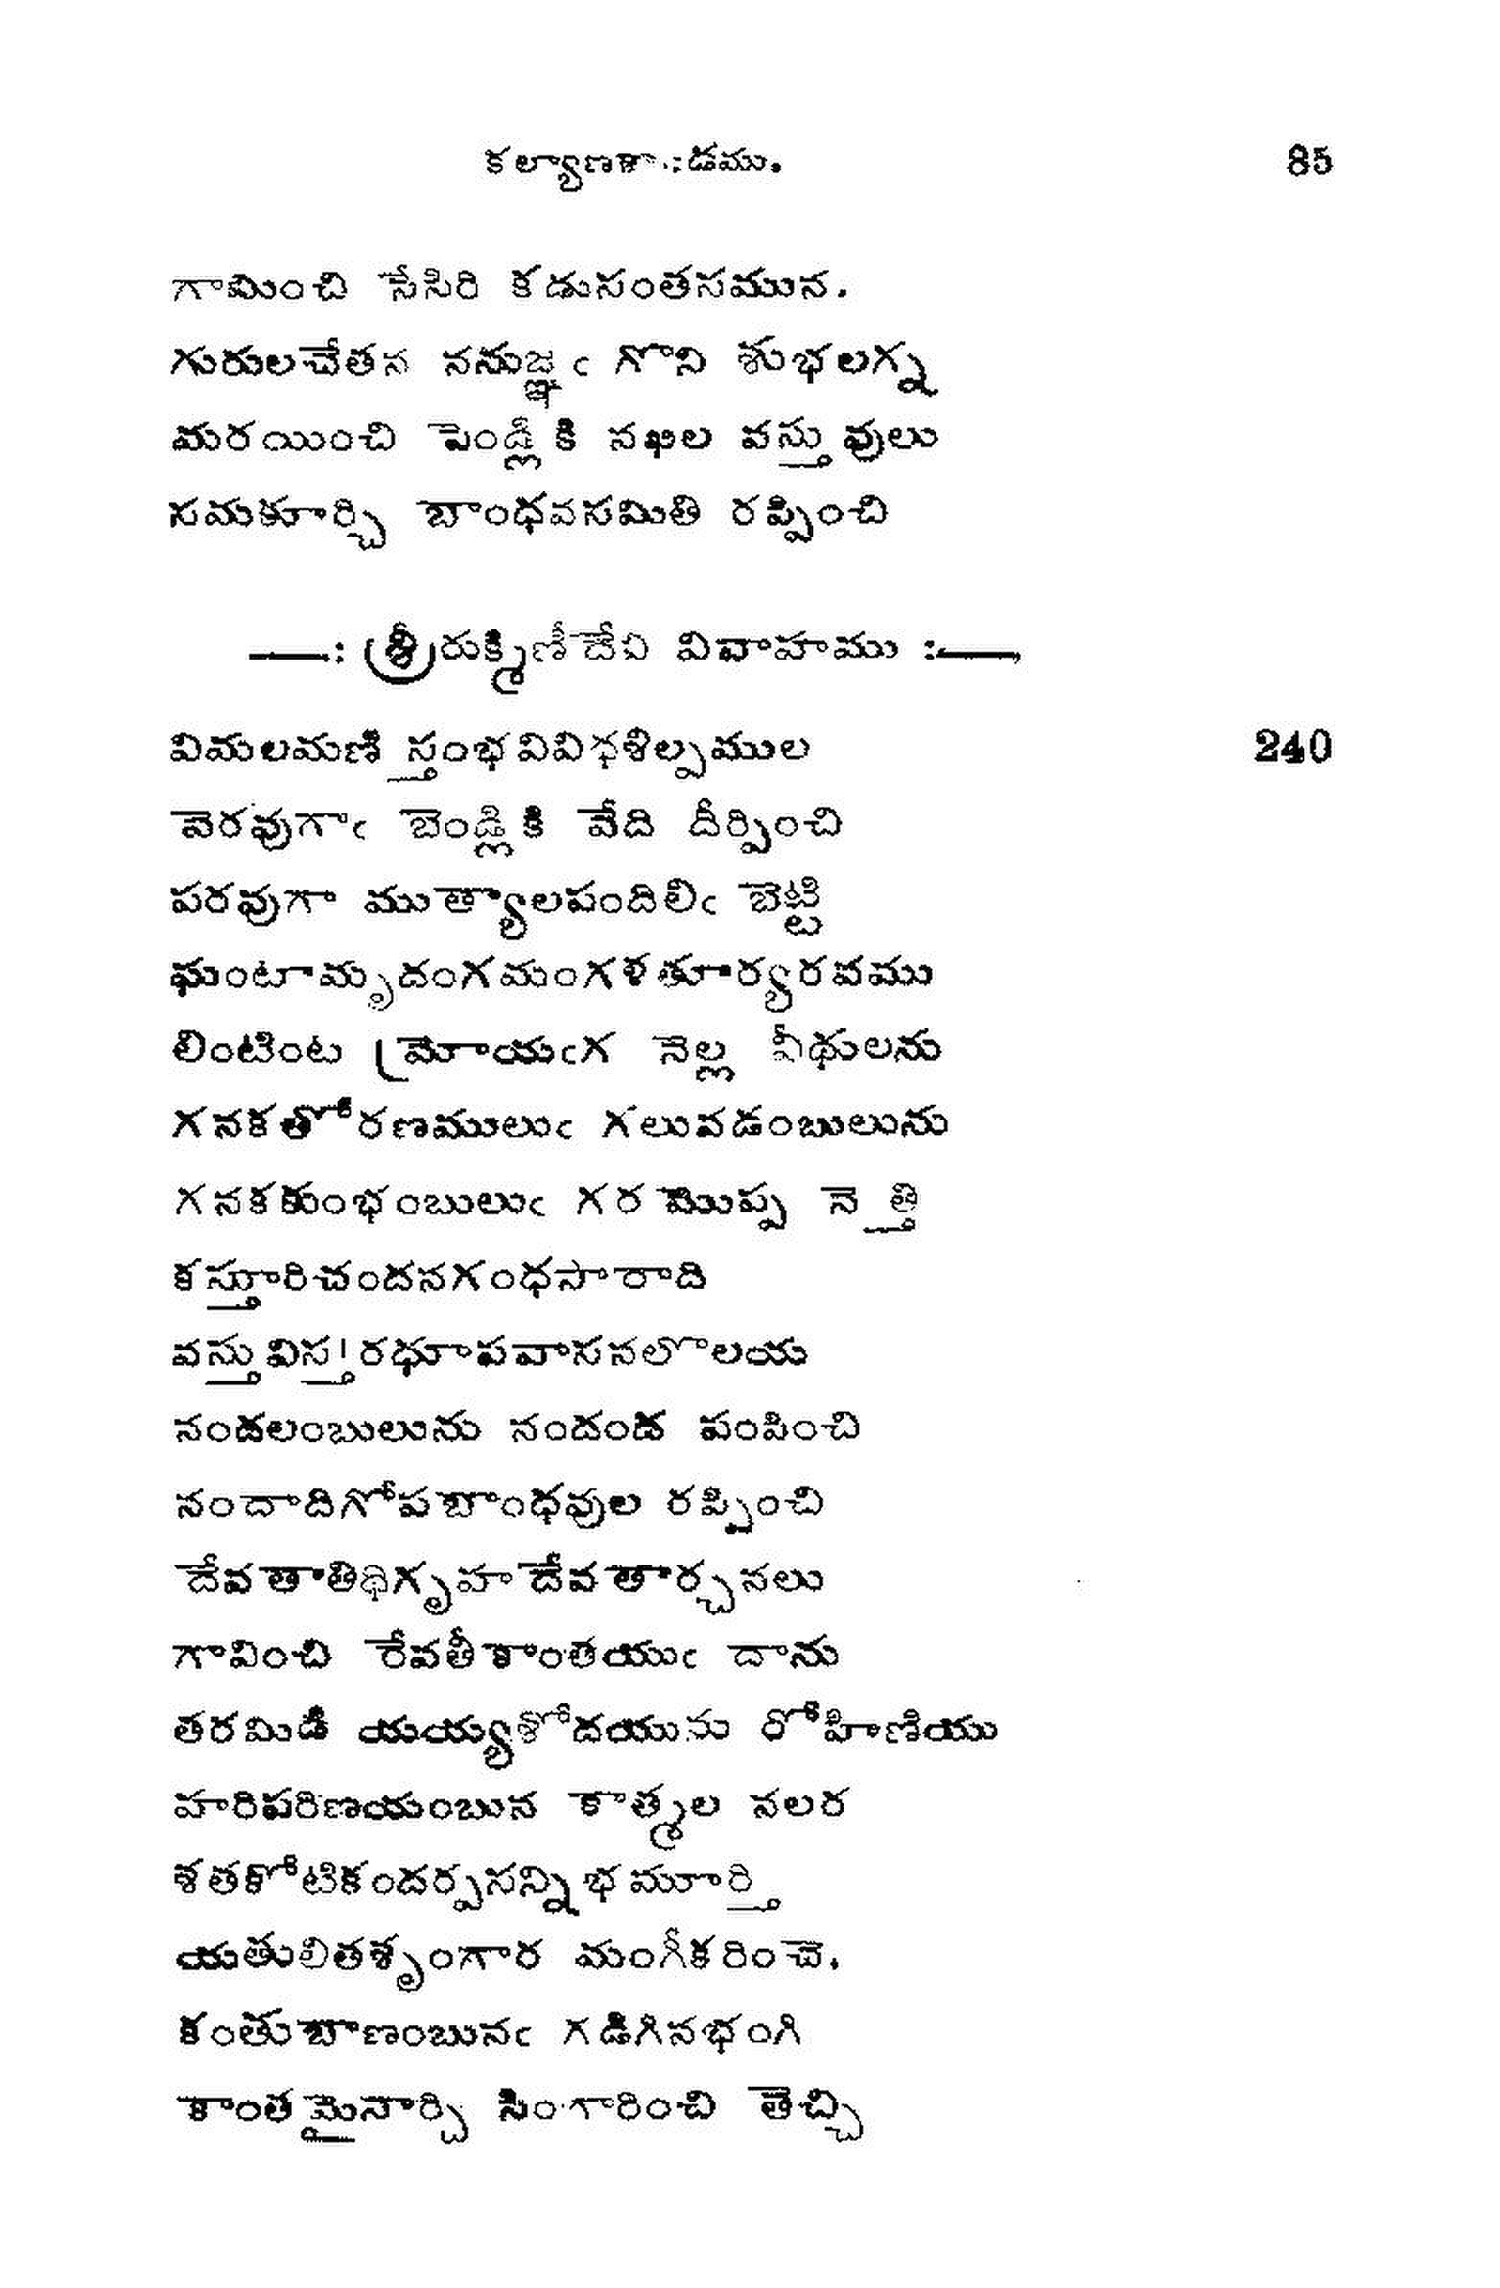గామించి సేసిరి కడుసంతసమున.
గురులచేతను ననుజ్ఞఁ గొని శుభలగ్న
మరయించి పెండ్లికి నఖిలవస్తువులు
సమకూర్చి బాంధవ సమితి రప్పించి

విమలమణిస్తంభవివిధశిల్పముల
నెరవుగాఁ బెండ్లికి వేది దీర్పించి
పరవుగా ముత్యాలపందిలిఁ బెట్టి
ఘంటామృదంగమంగళతూర్యరవము
లింటింట మ్రోయఁగ నెల్ల వీథులను
గనకతోరణములు గలువడంబులును
గనకకుంభంబులుఁ గర మొప్ప నెత్తి
కస్తూరిచందనగంధసారాది
వస్తువిస్తరధూపవాసనలొలయ
నందలంబులును నందంద పంపించి
నందాదిగోపబాంధవుల రప్పించి
దేవతాతిథిగృహదేవతార్చనలు
గావించి రేవతీకాంతయుఁ దాను
తరమిడి యయ్యశోదయును రోహిణియు
హరిపరిణయంబున కాత్మల నలర
శతకోటికందర్పసన్నిభమూర్తి
యతులితశృంగార మంగీకరించె.
కంతుబాణంబునఁ గడిగినభంగి
కాంతమైనార్చి సింగారించి తెచ్చి